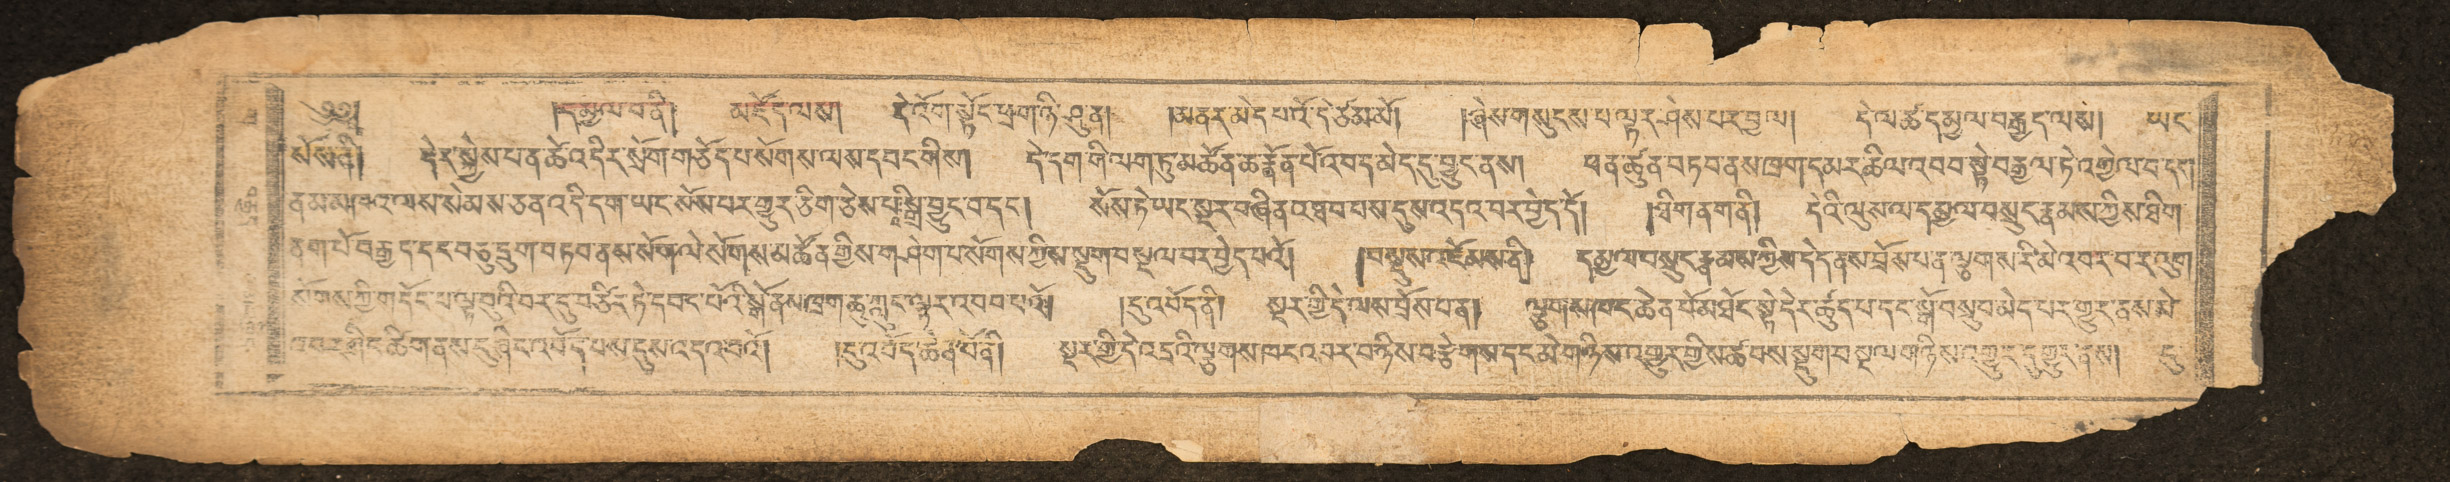༄༅། །དམྱལ་བ་ནི། མཛོད་ལས། དེ་འོག་སྟོང་ཕྲག་ཉི་ཤུ་ན། །མནར་མེད་པའོ་དེ་ཙམ་མོ། །ཞེས་གསུངས་བ་ལྟར་ཤེས་པར་བྱ་ལ། དེ་ལ་ཚ?་དམྱལ་བརྒྱད་ལས། ཡང་
སོས་ནི། དེར་སྐྱེས་པ་ན་ཚེ་འདིར་སྲོག་གཅོད་པ་སོགས་ལས་དབང་གིས། དེ་དག་གི་ལག་ཏུ་མཚོན་ཆ་རྣོན་པོ་འབད?་མེད་དུ་བྱུང་ནས། ཕན་ཚུན་བཏབ་ནས་ཁྲག་དམར་ཆིལ་འབབ་སྟེ་བརྒྱལ་ཏེ་འགྱེལ་བ་དང་།
ནམ་མཁའ་ལས་སེམས་ཅན་འདི་དག་ཡང་སོས་པར་གྱུར་ཅིག་ཅེས་བའི་སྒྲ་བྱུང་བ་དང་། སོས་ཏེ་ཡང་སྔར་བཞིན་འཐབ་ཕས་དུས་འདའ་བར་བྱེད་དོ། །ཐིག་ནག་ནི། དེའི་ལུས་ལ་དམྱལ་བསྲུང་རྣམས་ཀྱིས་ཐིག་
ནག་པོ་བརྒྱ་དང་བཅུ་དྲུག་བཏབ་ནས་སོག་ལེ་སོགས་མཚོན་གྱིས་གཤེག་པ་སོགས་ཀྱིས་སྡུག་བསྔལ་བར་བྱེད་པའོ། །བསྡུས་འཇོམས་ནི། དམྱལ་བསྲུང་རྣམས་ཀྱིས་དེད་ནས་བྲོས་པ་ན་ལྕགས་རི་མེ་འབར་བར་ལུག་
སོགས་ཀྱི་གདོང་པ་ལྟ་བུའི་བར་དུ་བཙིར་ཏེ་དབང་པོའི་སྒོ་ནས་ཁྲག་ཆུ་ཀླུང་ལྟར་འབབ་པའོ། །དུ་འབོད་ནི། སྔར་གྱི་དེ་ལས་བྲོས་བ་ན། ལྕགས་ཁང་ཆེན་པོ་མཐོང་སྟེ་དེར་ཚུད་པ་དང་སྒོ་བསྲུབ་མེད་པར་གྱུར་ནས་མེ?
འབར་ཞིང་ཚིག་ནས་སུ་ཞིང་འབོད་པས་དུས་འདའ་བའོ། །དུ་འབོད་ཆེན་པོ་ནི། སྔར་གྱི་དེ་འདྲའི་ལྕགས་ཁང་འབར་བ་ཉིས་བརྩེགས་དང་མེ་གཉིས་འགྱུར་གྱིས་ཚ་བས་སྡུག་བསྔལ་གཉིས་འགྱུར་དུ་གྱུར་ནས། ?